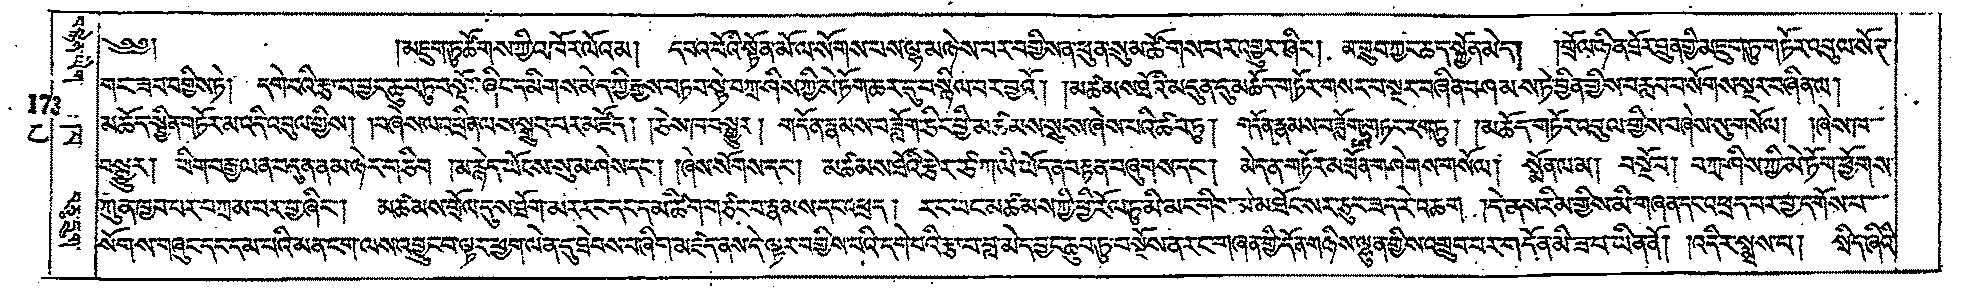༄༅། །མཇུག་ཏུ་ཚོགས་ཀྱི་འཁོར་ལོའམ། དཔའ་བོའི་སྟོན་མོ་ལ་སོགས་པས་ལྷ་མཉེས་པར་བགྱིས་ན་ཕུན་སུམ་ཚོགས་པར་འགྱུར་ཞིང་། མ་གྲུབ་ཀྱང་ཆད་སྐྱོན་མེད། །གྲོལ་ཉིན་ཐོར་ཐུན་གྱི་མཇུག་ཏུ་གཏོར་འབུལ་སོཌ་
གང་ཟབ་བགྱིས་ཏེ། དགེ་བའི་རྩ་བ་བྱང་ཆུབ་ཏུ་བསྔོ་བཞིང་དམིགས་མེད་ཀྱི་རྒྱས་བཏབ་སྟེ་བཀྲ་ཤིས་ཀྱི་མེ་ཏོག་ཆར་དུ་བསྙིལ་བར་བྱའོ། །མཚམས་ཐོའི་མདུན་དུ་མཆོད་གཏོར་གསར་པ་སྔར་བཞིན་བཤམས་ཏེ་བྱིན་གྱིས་བརླབ་པ་སོགས་སྔར་བཞིན་ལ།
མཆོད་སྦྱིན་གཏོར་མ་འདི་འབུལ་གྱིས། །བཞེས་ལ་འཕྲིན་ལས་སྒྲུབ་པར་མཛོད། །ཅེས་ཁ་བསྒྱུར། གདོན་རྣམས་བཟློག་ཅིང་ཕྱི་མཚམས་སྲུངས་ཞེས་པའི་ཚབ་ཏུ། གདོན་རྣམས་བཟློག་པའི་གཏང་རག་ཏུ། །མཆོད་གཏོར་འབུལ་གྱིས་བཞེས་སུ་གསོལ། །ཞེས་ཁ་་་
བསྒྱུར། ཡིག་བརྒྱ་ལན་བདུན་ནམ་ཉེར་གཅིག །མ་རྙེད་ཡོངས་སུ་མ་ཤེས་དང་། །ཞེས་སོགས་དང་། མཚམས་ཐོའི་རྩེར་ཙ་ཀ་ལི་ཡོད་ན་བརྟན་བཞུགས་དང་། མེད་ན་གཏོར་མགྲོན་གཤེགས་གསོལ། སྨོན་ལམ། བསྔོ་བ། བཀྲ་ཤིས་ཀྱི་མེ་ཏོག་ཕྱོགས་
ཀུན་ཁྱབ་པར་བཀྲམ་པར་བྱ་ཞིང་། མཚམས་གྲོལ་དུས་ཐོག་མར་རང་དང་དམ་ཚིག་གཙང་བ་རྣམས་དང་འཕྲད། རང་ཡང་མཚམས་ཀྱི་ཕྱི་རོལ་ཏུ་མི་མང་གིས་མེ་མཐོང་སར་ཅུང་ཟད་རེ་འཆག །དེ་ནས་རིམ་གྱིས་མི་གཞན་དང་འཕྲད་པར་བྱ་དགོས་པ་་་
སོགས་གཞུང་དང་དམ་པའི་མན་ངག་ལས་འབྱུང་བ་ལྟར་ཕྱག་ལེན་དུ་ཐེབས་པ་ཞིག་མཛད་ནས་དེ་ལྟར་བགྱིས་པའི་དགེ་བའི་རྩ་བ་བླ་མེད་བྱང་ཆུབ་ཏུ་བསྔོས་ན་རང་གཞན་གྱི་དོན་གཉིས་ལྷུན་གྱིས་འགྲུབ་པར་གདོན་མི་ཟ་བ་ཡིན་ནོ། །འདིར་སྨྲས་པ། སྲིད་ཞིའི་